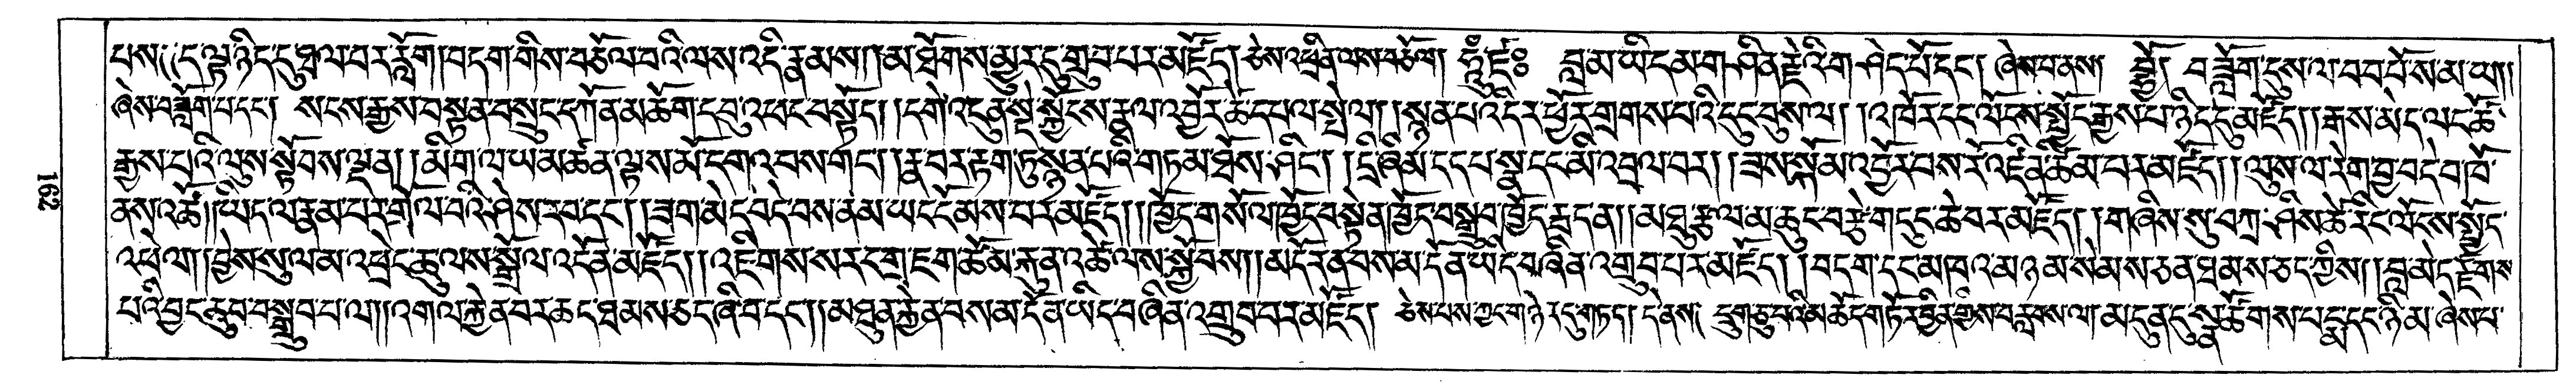པས། །ད་ལྟ་ཉིད་དུ་ཐལ་བར་རློག །བདག་གིས་བཅོལ་བའི་ལས་འདི་རྣམས། །མཐོགས་མྱུར་དུ་གྲུབ་པར་མཛོད། ཅེས་འཕྲིན་ལས་བཅོལ། ཧཱུཾ་ཛཿ བླ་མ་ཡི་དམ་གཤིན་རྗེའི་གཤེད་པོ་དང་། ཞེས་པ་ནས། བྷྱོ། བཟློག་དུས་ལ་བབ་བོ་ས་མ་ཡ།།
ཞེས་བཟློག་པ་དང་། སངས་རྒྱས་བསྟན་བསྲུང་དཀོན་མཆོག་དབུ་འཕང་བསྟོད། །དགེ་འདུན་སྡེ་སྐྱོངས་རྣལ་འབྱོར་ཚེ་དཔལ་སྤེལ། །སྙན་པའི་དིར་ཕྱོར་གྲགས་པའི་དུང་བུས་ལ། །འཁོར་དང་ལོངས་སྤྱོད་རྒྱས་པ་ཉིད་དུ་མཛོད། །རྒས་མེད་ལང་ཚོ་
རྒྱས་པའི་ལུས་སྟོབས་ལྡན། །མིག་ལ་ཡ་མཚན་ལྟས་མོ་དགའ་བས་གང་། །རྣ་བར་རྟག་ཏུ་སྙན་པའི་གཏམ་ཐོས་ཤིང་། །དྲི་ཞིམ་ངད་པ་སྣ་དང་མི་འབྲལ་བར། །ཟས་སྐོམ་འབྱོར་པས་རོ་འཛིན་ཆིམ་པར་མཛོད། །ལུས་ལ་རེག་བྱ་བདེ་བ་ཁོ་
ནས་འཚོ། །ཡིད་ལ་རྣམ་པར་གྲོལ་བའི་ཤེས་རབ་དང་། །ཟག་མེད་བདེ་བས་ནམ་ཡང་ངོམས་བར་མཛོད། །ཁྱོད་གསོལ་ཁྱོད་བསྟེན་ཁྱོད་བསྒྲུབ་ཁྱོད་རྦད་ན། །མཐུ་རྩལ་མ་ཆུང་བརྩེ་གདུང་ཆེ་བར་མཛོད། །གཞིས་སུ་བཀྲ་ཤིས་ཚེ་རིང་ལོངས་སྤྱོད་
འཕེལ། །བྱེས་སུ་ལམ་འཕྲེང་ཆུ་ལས་སྒྲོལ་འདོན་མཛོད། །འཇིགས་སར་དགྲ་ཇག་ཆོམ་རྐུན་འཆེ་ལས་སྐྱོབས། །མདོར་ན་བསམ་དོན་ཡིད་བཞིན་འགྲུབ་པར་མཛོད། །བདག་དང་མཁའ་མཉམ་སེམས་ཅན་ཐམས་ཅད་ཀྱིས། །བླ་མེད་རྫོགས་
པའི་བྱང་ཆུབ་བསྒྲུབ་པ་ལ། །འགལ་རྐྱེན་བར་ཆད་ཐམས་ཅད་ཞི་བ་དང་། །མཐུན་རྐྱེན་བསམ་དོན་ཡིད་བཞིན་འགྲུབ་པར་མཛོད། ཅེས་པས་ཀྱང་གཉེར་དུ་གཏད། དེ་ནས༑ དྲུག་ཅུ་པའི་མཆོད་གཏོར་བྱིན་གྱིས་བརླབས་ལ། མདུན་དུ་སྣ་ཚོགས་པདམ་དང་ཉི་མ་ཞེས་པ་